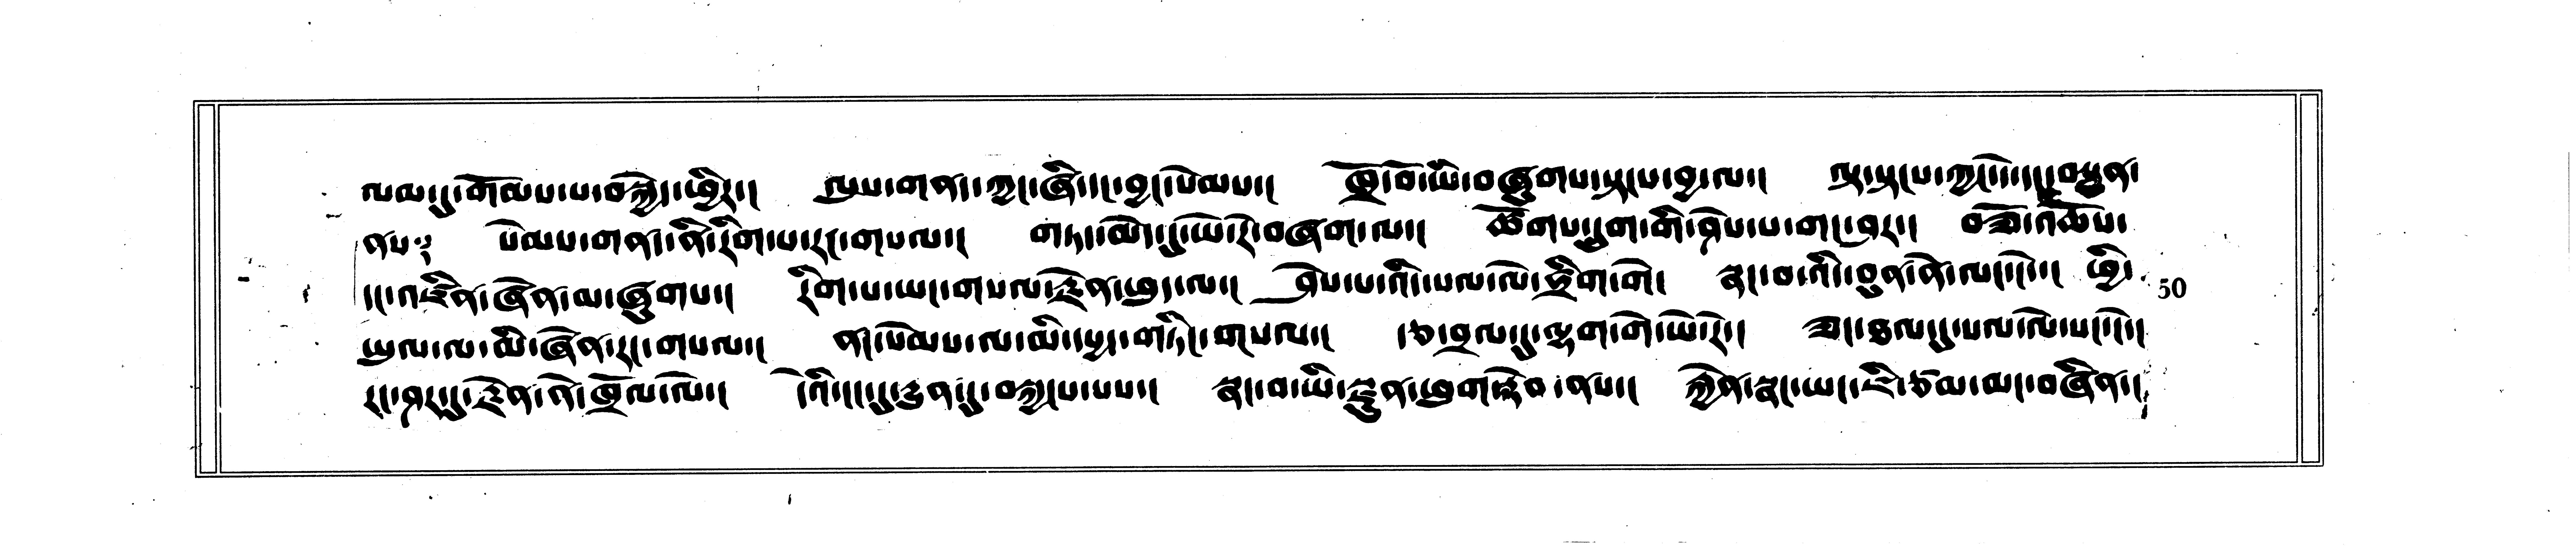ལམ་དུ་གོམས་པ་བསྐྱེད་ཕྱིར། །ལུས་གནད་ཀྱང་ཞི་དང་བྱང་སེམས། །ཁྲོ་བོ་ཡི་བཞུགས་སྟངས་བྱ་ལ། །ལྟ་སྟངས་ཀྱང་དེ་དང་བསྟུན་
ནས། །སེམས་གནད་ནི་རིག་པ་རང་གསལ། །གཏད་མེད་དུ་ཡེ་རེ་བཞག་ལ། །ཚོགས་དྲུག་གི་ཤེས་པ་གང་ཤར། །བཟོ་འཆོས་
དང་འཛིན་ཞེན་མ་ཞུགས། །རིག་པ་ཡང་གསལ་རྗེན་ཕུད་ལ། །ཤེས་པ་འདི་སལ་ལེ་ཧྲིག་གེ །སྣང་བ་འདི་བུན་ནེ་ལོང་ངེ་། ཕྱི་
ཡུལ་ལ་མི་ཞེན་རང་གསལ། །ནང་སེམས་ལ་མི་དཔྱད་གཏིང་གསལ། །རྩ་བྲལ་དུ་ལྷག་གེ་ཡེ་རེ། །ཟང་ཐལ་དུ་སལེ་སང་ངེ་། །
རང་ཤར་དུ་རྗེན་ནེ་ཁྲོལ་ལེ། །དེའི་ངང་དུ་རྒྱུན་དུ་བསྐྱངས་པས། །སྣང་བ་ཡི་རྫུན་ཕུག་རྡིབ་ནས། །རྐྱེན་སྣང་ཡང་ཇི་ཙམ་མང་བཞིན། །